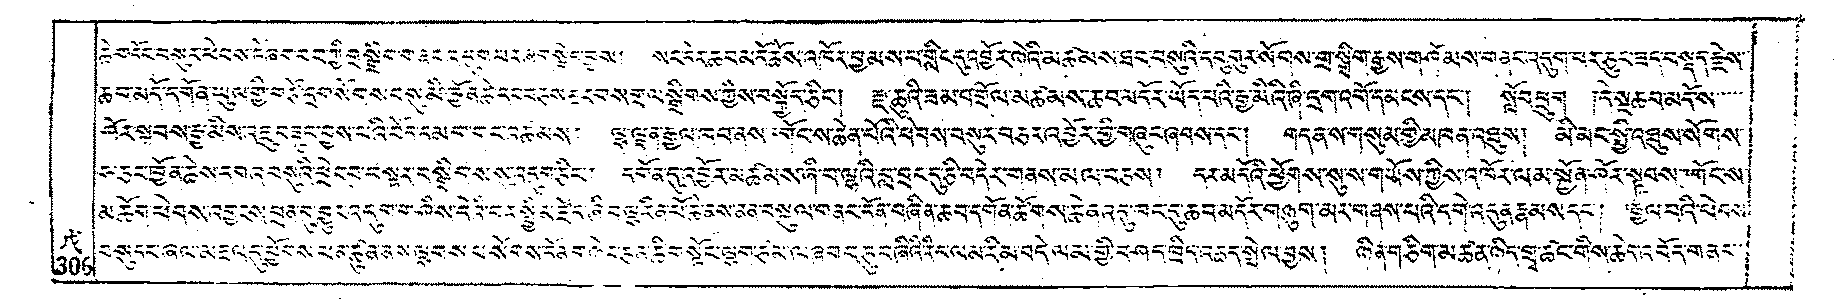ཆེ་གདོང་བསུར་ཕེབས་ཏེ་ཞག་བབ་ཀྱི་གྲ་སྒྲིག་གནང་འདུག་པར་ཞག་སྡོད་བྱས། སང་དེར་ཆབ་མདོ་ཆོས་འཁོར་བྱམས་པ་གླིང་དུ་འབྱོར་ཉེའི་མཚམས་ཐབ་བསུའི་དབུ་གུར་སོགས་གྲ་སྒྲིག་རྒྱས་གཤོམས་གནང་འདུག་པར་ཅུང་ཟད་བསྡད་རྗེས་
ཆབ་མདོ་དགོན་ཡུལ་གྱི་གཙོ་དྲག་སོགས་བསུ་མི་ཁྱོན་ཆེ་དང་བཅས་རྟ་རགས་གྲལ་སྒྲིགས་ཀྱིས་བསྐྱོད་ཅིང་། རྫ་ཆུའི་ཟམ་པ་གྲོལ་མཚམས་ཆབ་མདོར་ཡོད་པའི་རྒྱ་མིའི་ཞི་དྲག་འགོ་དམངས་དང་། སློབ་ཕྲུག །དེ་སྔ་ཆབ་མདོ་ས་
ཤོར་སྐབས་རྒྱ་མིས་འཇུ་བཟུང་བྱས་པའི་བོད་དམག་གང་འཚམས། ལྷ་ལྡན་རྒྱལ་ཁབ་ནས་༧གོང་ས་ཆེན་པོའི་ཕེབས་བསུར་བཅར་འབྱོར་གྱི་གཞུང་ཞབས་དང་། གདན་ས་གསུམ་གྱི་མཁན་འཐུས། མི་མང་སྤྱི་འཐུས་སོགས་
ཧ་ཅང་ཁྱོན་ཆེས་དགའ་བསུའི་ཕྲེང་བ་བསྟར་བསྒྲིགས་སུ་འདུག་ཅིང་། དགོན་དུ་འབྱོར་མཚམས་ཞི་བ་ལྷའི་བླ་བྲང་དུ་ཅི་བདེར་གནས་མལ་བཅས། དར་མདོའི་ཕྱོགས་སུ་ས་གཡོས་ཀྱིས་འཁོར་ལམ་སྐྱོན་ཤོར་སྟབས་༧གོང་ས་
མཆོག་ཕེབས་འགྱངས་ཕྲན་བུ་བྱུང་འདུག་གཤིས་དེའི་བར་སྤྱི་མཛོད་ཞི་བ་ལྷ་རིན་པོ་ཆེ་ནས་ནན་བསྐུལ་གནང་དོན་བཞིན་ཆབ་དགོན་ཚོགས་ཆེན་འདུ་ཁང་དུ་ཆབ་མདོར་གཉུག་མར་གནས་པའི་དགེ་འདུན་རྣམས་དང་། ༧རྒྱལ་བའི་ཕེབས་
བསུ་དང་ཞལ་མཇལ་དq་ཕྱོགས་ཕན་ཚུན་ནས་ལྷགས་པ་སོགས་དོན་གཉེར་ཅན་ཆིག་སྟོང་ལྷག་ཙམ་ལ་ཞག་བཅུ་བཞིའི་རིང་ལམ་རིམ་བདེ་ལམ་གྱི་བཤད་ཁྲིད་འཆད་སྤེལ་བྱས། ཉིན་གཅིག་མཚན་ཉིད་གྲྭ་ཚང་གིས་ཆེད་འབོད་གནང་